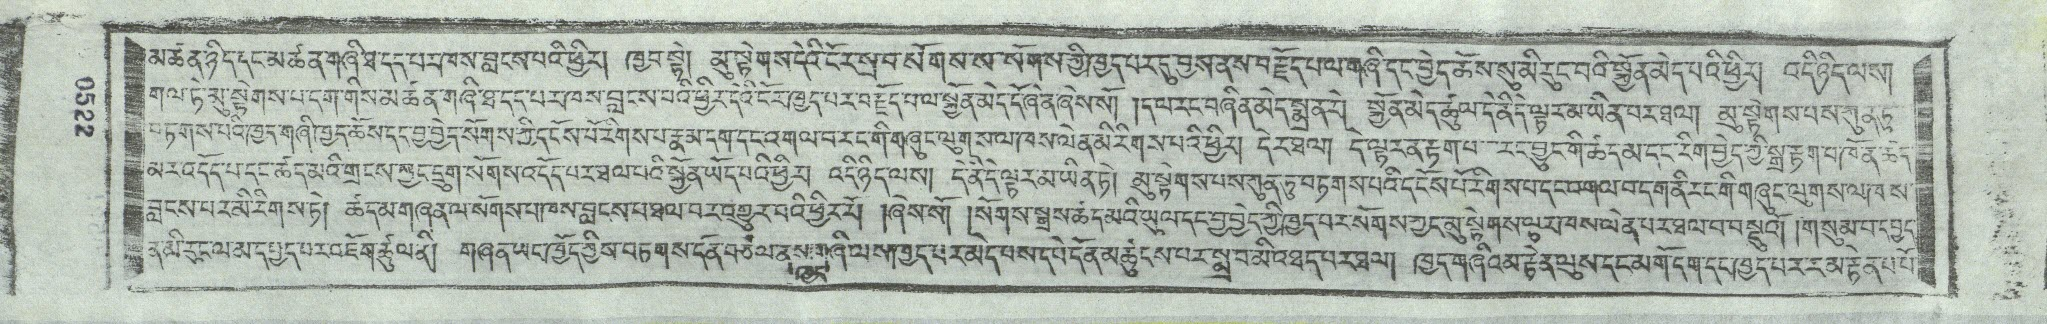མཚན་ཉིད་དང་མཚན་གཞི་ཐ་དད་པར་ཁས་བླངས་པའི་ཕྱིར། ཁྱབ་སྟེ། མུ་སྟེགས་དེའི་ངོར་སྲ་བ་སོགས་ས་སོགས་ཀྱི་ཁྱད་པར་དུ་བྱས་ནས་བརྗོད་པ་ལ་གཞི་དང་བྱེད་ཆོས་སུ་མི་རུང་བའི་སྐྱོན་མེད་པའི་ཕྱིར། འདི་ཉིད་ལས།
གལ་ཏེ་མུ་སྟེགས་པ་དག་གིས་མཚན་གཞི་ཐ་དད་པར་ཁས་བླངས་བའི་ཕྱིར་དེའི་ངོར་ཁྱད་པར་བརྗོད་པ་ལ་སྐྱོན་མེད་དོ་ཞེ་ན་ཞེས་སོ། །དལ་རང་བཞིན་མེད་སྨྲ་ན་རེ། སྐྱོན་མེད་ཚུལ་དེ་ནི་དེ་ལྟར་མ་ཡིན་པར་ཐལ། མུ་སྟེགས་པས་ཀུན་ཏུ་
བཏགས་པའི་ཁྱད་གཞི་ཁྱད་ཆོས་དང་བྱ་བྱེད་སོགས་ཀྱི་དངོས་པོ་རིགས་པ་རྣམ་དག་དང་འགལ་བ་རང་གི་གཞུང་ལུགས་ལ་ཁས་ལེན་མི་རིགས་པའི་ཕྱིར། དེར་ཐལ། དེ་ལྟར་ན་རྟག་པ་རང་བྱུང་གི་ཚད་མ་དང་རིག་བྱེད་ཀྱི་སྒྲ་རྟག་བ་ཁོ་ན་ཚད་
མར་འདོད་པ་དང་ཚད་མའི་གྲངས་ཀྱང་དྲུག་སོགས་འདོད་པར་ཐལ་པའི་སྐྱོན་ཡོད་པའི་ཕྱིར། འདི་ཉིད་ལས། དེ་ནི་དེ་ལྟར་མ་ཡིན་ཏེ། མུ་སྟེགས་པས་ཀུན་ཏུ་བཏགས་པའི་དངོས་པོ་རིགས་པ་དང་འགལ་བ་དག་ནི་རང་གི་གཞུང་ལུགས་ལ་ཁས་
བླངས་པར་མི་རིགས་ཏེ། ཚད་མ་གཞན་ལ་སོགས་པ་ཁས་བླངས་པ་ཐལ་བར་འགྱུར་བའི་ཕྱིར་རོ། །ཞེས་སོ། །སོགས་སྒྲས་ཚད་མའི་ཡུལ་དང་བྱ་བྱེད་ཀྱི་ཁྱད་པར་སོགས་ཀྱང་མུ་སྟེགས་ལྟར་ཁས་ལེན་པར་ཐལ་བ་བསྡུའོ། །གསུམ་པ་དཔྱད་
ན་མི་རུང་ལམ་དཔྱད་པར་འཇོག་ཚུལ་ནི། གཞན་ཡང་ཁྱོད་ཀྱིས་བཏགས་དོན་བཙལ་ནས་ཁྱད་གཞི་ལས་ཁྱད་པར་མེད་པས་དཔེ་དོན་མཚུངས་པར་སྨྲ་བ་མི་འཐད་པར་ཐལ། ཁྱད་གཞིའམ་རྟེན་ལུས་དང་མགོ་ངག་དང་ཁྱད་པར་རམ་རྟེན་པ་པོ་